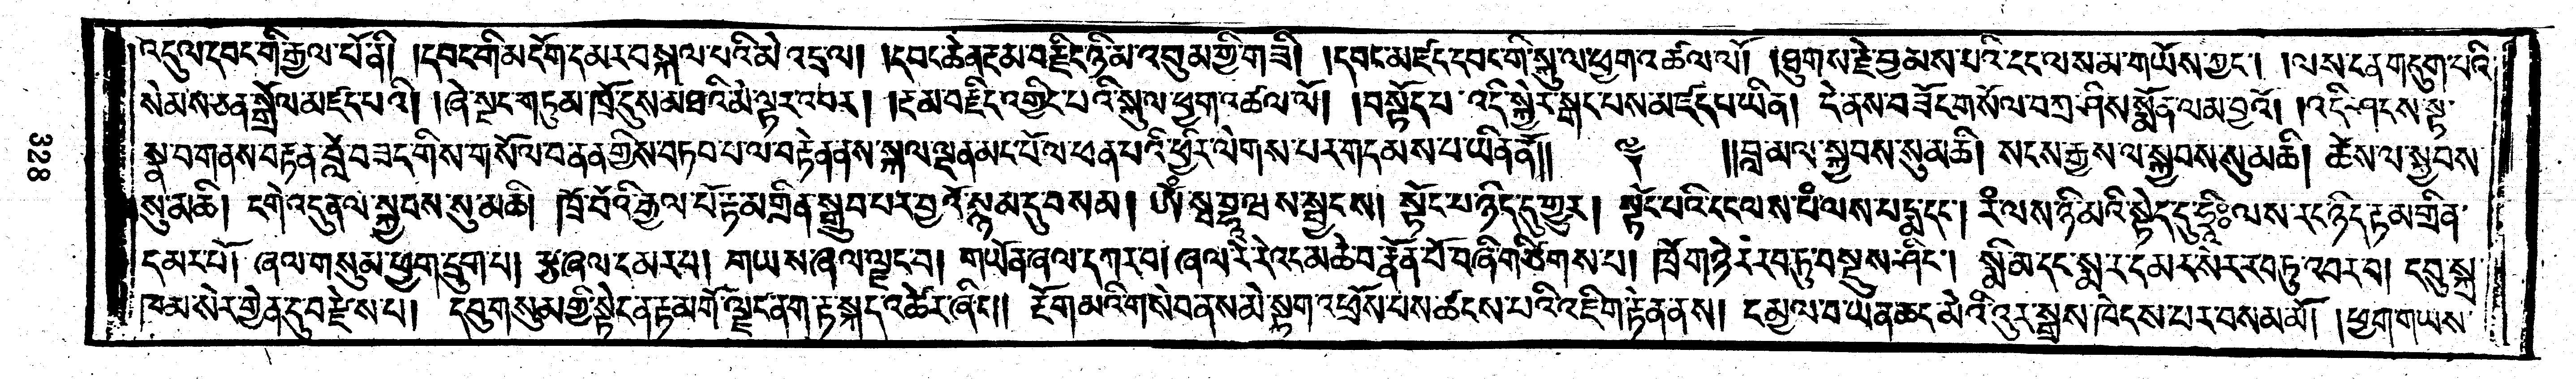འདུལ་དབང་གི་རྒྱལ་པོ་ནི། །དབང་གི་མདོག་དམར་བསྐལ་པའི་མེ་འདྲ་ལ། །དབང་ཆེན་རྔམ་བརྗིད་ཉི་མ་འབུམ་གྱི་གཟི། །དབང་མཛད་དབང་གི་སྐུ་ལ་ཕྱག་འཚལ་ལོ། །ཐུགས་རྗེ་བྱམས་པའི་ངང་ལས་མ་གཡོས་ཀྱང་། །ལས་ངན་གདུག་པའི་
སེམས་ཅན་སྒྲོལ་མཛད་པའི། །ཞེ་སྡང་གཏུམ་ཁྲོ་དུས་མཐའི་མེ་ལྟར་འབར། །རྔམ་བརྗིད་འགྱིང་པའི་སྐུ་ལ་ཕྱག་འཚལ་ལོ། །བསྟོད་པ་འདི་སྐྱེར་སྒང་པས་མཛད་པ་ཡིན། དེ་ནས་བཟོད་གསོལ་བཀྲ་ཤིས་སྨོན་ལམ་བྱའོ། །འདི་ཤངས་སྟ་
སྣ་བ་གནས་བརྟན་བློ་བཟང་གིས་གསོལ་བ་ནན་གྱིས་བཏབ་པ་ལ་བརྟེན་ནས་སྐལ་ལྡན་མང་པོ་ལ་ཕན་པའི་ཕྱིར་ལེགས་པར་གདམས་པ་ཡིན་ནོ།། ༈ །།བླ་མལ་སྐྱབས་སུ་མཆི། སངས་རྒྱས་ལ་སྐྱབས་སུ་མཆི། ཆོས་ལ་སྐྱབས་
སུ་མཆི། དགེ་འདུན་ལ་སྐྱབས་སུ་མཆི། ཁྲོ་བོའི་རྒྱལ་པོ་རྟ་མགྲིན་སྒྲུབ་པར་བྱའོ་སྙམ་དུ་བསམ། ཨོཾ་སྭ་བྷཱ་ཝས་སྦྱངས། སྟོང་པ་ཉིད་དུ་གྱུར། སྟོང་པའི་ངང་ལས་པཾ་ལས་པདམ་དང་། རཾ་ལས་ཉི་མའི་སྟེད་དུ་ཧྲཱིཿ ལས་རང་ཉིད་རྟ་མགྲིན་
དམར་པོ། ཞལ་གསུམ་ཕྱག་དྲུག་པ། རྩ་ཞལ་དམར་པ། གཡས་ཞལ་ལྗང་བ། གཡོན་ཞལ་དཀར་བ། ཞལ་རེ་རེའང་མཆེ་བ་རྣོན་པོ་བཞི་གཙིགས་པ། ཁྲོ་གཉེར་རབ་ཏུ་བསྡུས་ཤིང་། སྨི་མ་དང་སྨ་ར་དམར་སེར་རབ་ཏུ་འབར་བ། དབུ་སྐྲ་
ཁམ་སེར་གྱེན་དུ་བརྫེས་པ། དབུ་གསུམ་གྱི་སྟེང་ན་རྟ་མགོ་ལྗང་ནག་རྟ་སྐད་འཚེར་ཞིང་། རྔོག་མའི་གསེབ་ནས་མེ་སྟག་འཕྲོས་པས་ཚངས་པའི་འཇིག་རྟེན་ནས། དམྱལ་བ་ཡན་ཆད་མེའི་འུར་སྒྲས་ཁེངས་པར་བསམ་མོ། །ཕྱག་གཡས་